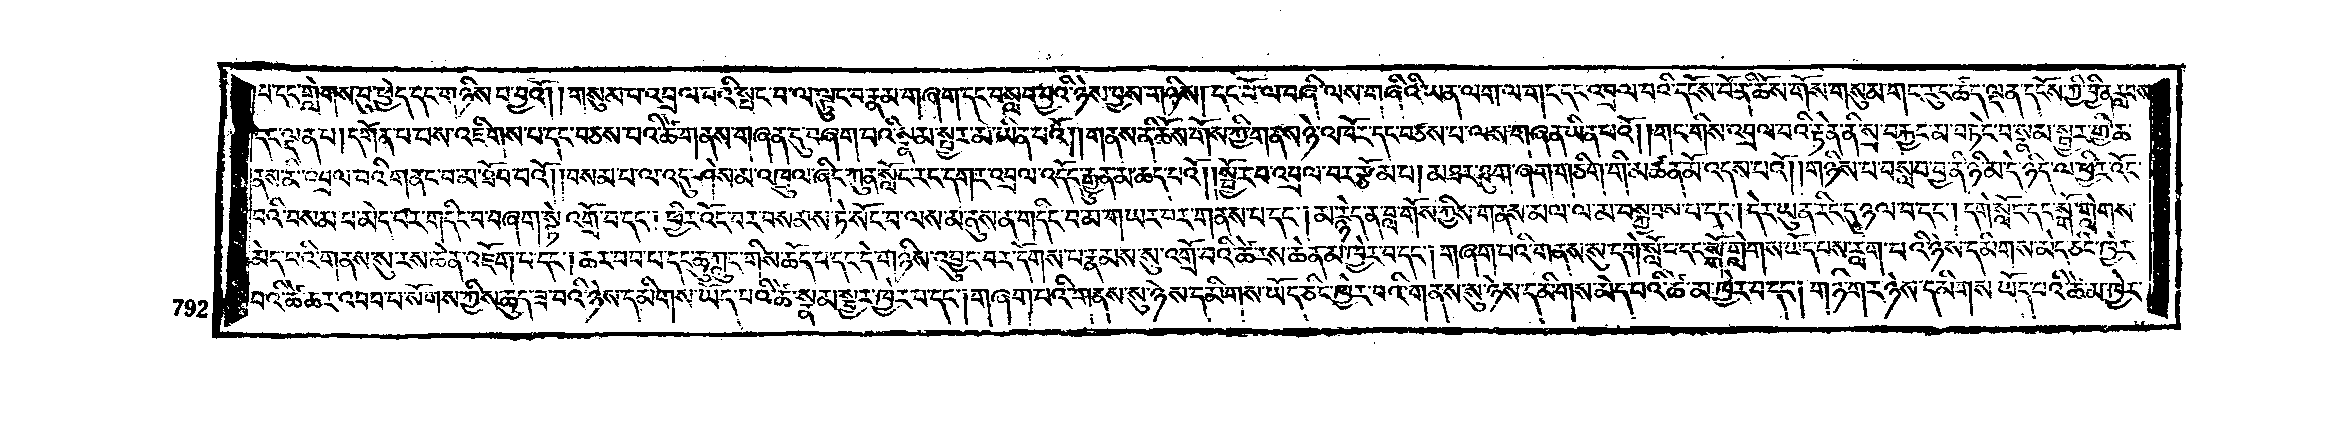པ་དང་གླེགས་བུ་ཕྱེད་དང་གཉིས་པ་བྱའོ། །གསུམ་པ་འབྲལ་བའི་སྤང་བ་ལ་ལྟུང་བ་རྣམ་གཞག་དང་བསླབ་བྱའི་ཉེས་བྱས་གཉིས། དང་པོ་ལ་བཞི་ལས་གཞིའི་ཡན་ལག་ལ་གང་དང་འབྲལ་བའི་དངོས་པོ་ནི་ཆོས་གོས་གསུམ་གང་རུང་ཚད་ལྡན་དངོས་ཀྱི་བྱིན་རླབས་
དང་ལྡན་པ། དགོན་པ་པས་འཇིགས་པ་དང་བཅས་པའི་ཚེ་གནས་གཞན་དུ་བཞག་པའི་སྣམ་སྦྱར་མ་ཡིན་པའོ། །གནས་ནི་ཆོས་གོས་ཀྱི་གནས་ཉེ་འཁོར་དང་བཅས་པ་ལས་གཞན་ཡིན་པའོ། །གང་གིས་འབྲལ་བའི་རྟེན་ནི་སྲ་བརྐྱང་མ་བཏེང་བ་སྣམ་སྦྱར་གྱི་ཆ་
ནས་མི་འབྲལ་བའི་གནང་བ་མ་ཐོབ་པའོ། །བསམ་པ་ལ་འདུ་ཤེས་མ་འཁྲུལ་ཞིང་ཀུན་སློང་རང་དགར་འབྲལ་འདོད་རྒྱུན་མ་ཆད་པའོ། །སྦྱོར་བ་འབྲལ་བར་རྩོམ་པ། མཐར་ཐུག་ཞག་གཅིག་གི་མཚན་མོ་འདས་པའོ། །གཉིས་པ་བསླབ་བྱ་ནི་ཉི་མ་དེ་ཉིད་ལ་ཕྱིར་འོང་
བའི་བསམ་པ་མེད་པར་གདིང་བ་བཞག་སྟེ་འགྲོ་བ་དང་། ཕྱིར་འོང་བར་བསམས་ཏེ་སོང་བ་ལས་མ་ནུས་ན་གདིང་བ་མ་གཡར་བར་གནས་པ་དང་། མ་རྙེད་ན་བླ་གོས་ཀྱིས་གནས་མལ་ལ་མ་བསྐྱབས་པ་དང་། དེར་ཡུན་རིང་དུ་ཉལ་བ་དང་། དགེ་སློང་དང་སྒོ་གླེགས་
མེད་པའི་གནས་སུ་རས་ཆེན་འཇོག་པ་དང་། ཆར་བབ་པ་དང་ཆུ་ཀླུང་གིས་ཆོད་པ་དང་དེ་གཉིས་འབྱུང་བར་དོགས་པ་རྣམས་སུ་འགྲོ་བའི་ཚེ་རས་ཆེན་མ་ཁྱེར་བ་དང་། གཞག་པའི་གནས་སུ་དགེ་སློང་དང་སྒོ་གླེགས་ཡོད་པས་རླག་པའི་ཉེས་དམིགས་མེད་ཅིང་ཁྱེར་
བའི་ཚེ་ཆར་འབབ་པ་སོགས་ཀྱིས་ཆུད་ཟ་བའི་ཉེས་དམིགས་ཡོད་པའི་ཚེ་སྣམ་སྦྱར་ཁྱེར་བ་དང་། གཞག་པའི་གནས་སུ་ཉེས་དམིགས་ཡོད་ཅིང་ཁྱེར་བའི་གནས་སུ་ཉེས་དམིགས་མེད་པའི་ཚེ་མ་ཁྱེར་བ་དང་། གཉི་གར་ཉེས་དམིགས་ཡོད་པའི་ཚེ་མ་ཁྱེར་